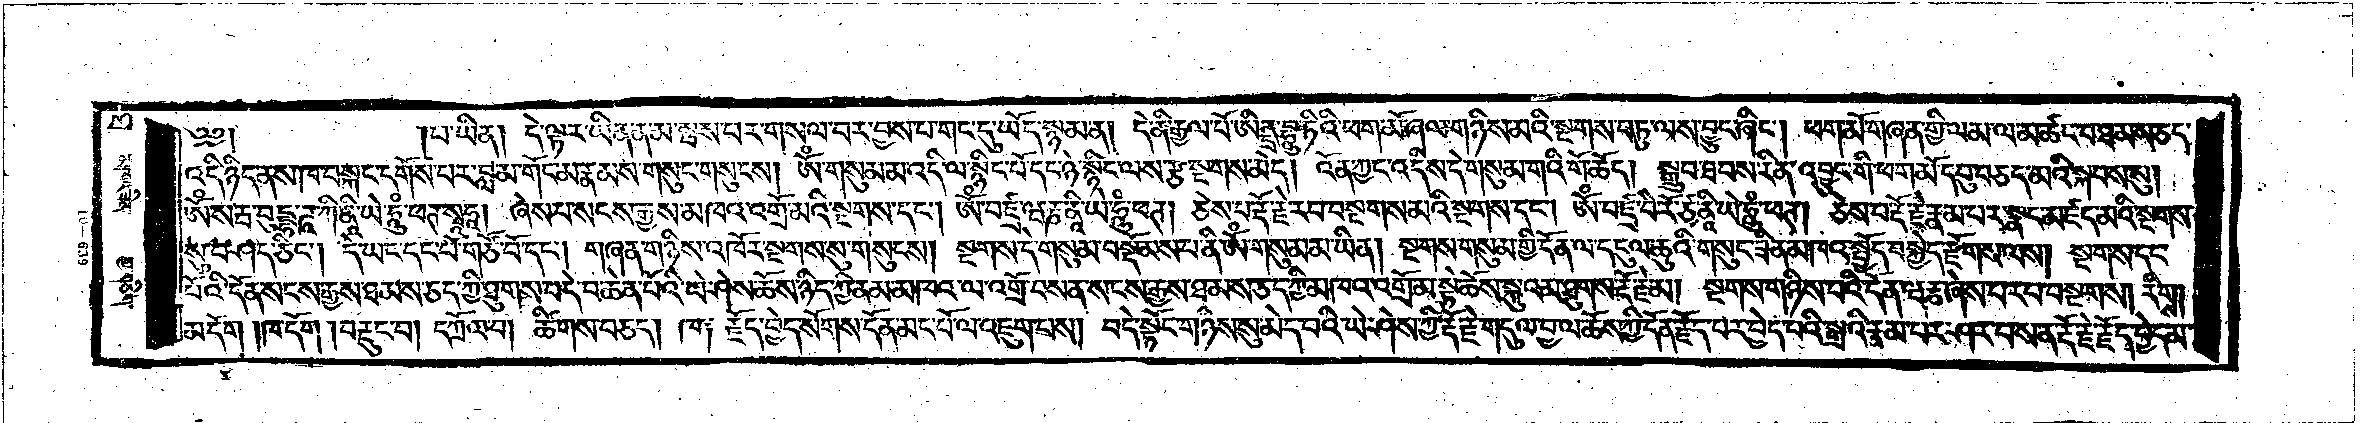༄༅། །པ་ཡིན། དེ་ལྟར་ཡིན་ན་མ་སྦས་པར་གསལ་བར་བྱས་པ་གང་དུ་ཡོད་སྙམ་ན། དེ་ནི་རྒྱལ་པོ་ཨིནྡྲ་བྷཱུ་ཏིའི་ཕག་མོ་ཞལ་གཉིས་མའི་སྔགས་བཏུ་ལས་བྱུང་ཞིང་། ཕག་མོ་གཞན་གྱི་ལམ་ལ་མ་ཚད་པ་ཐམས་ཅད་
འདི་ཉིད་ནས་ཁ་བསྐང་དགོས་པར་བླ་མ་གོང་མ་རྣམས་གསུང་གསུངས། ཨོཾ་གསུམ་མ་འདི་ལ་སྙིང་པོ་དང་ཉེ་སྙིང་ལས་རྩ་སྔགས་མེད། འོན་ཀྱང་འདིས་དེ་གསུམ་གའི་གོ་ཆོད། སྒྲུབ་ཐབས་རིན་འབྱུང་གི་ཕག་མོ་དབུ་བཅད་མའི་སྐབས་སུ།
ཨོཾ་སརྦ་བུདྡྷ་ཌཱ་ཀི་ནཱི་ཡེ་ཧཱུཾ་ཕཊ་སྭཱ་ཧཱ། ཞེས་པ་སངས་རྒྱས་མཁའ་འགྲོ་མའི་སྔགས་དང་། ཨོཾ་བཛྲ་ཝརྞ་ནཱི་ཡེ་ཧཱུཾ་ཕཊ། ཅེས་པ་རྡོ་རྗེ་རབ་བསྔགས་མའི་སྔགས་དང་། ཨོཾ་བཛྲ་བཻ་རོ་ཙ་ནཱི་ཡེ་ཧཱུཾ་ཕཊ། ཅེས་པ་རྡོ་རྗེ་རྣམ་པར་སྣང་མཛད་མའི་སྔགས་
སུ་བཤད་ཅིང་། དེ་ཡང་དང་པོ་གཙོ་བོ་དང་། གཞན་གཉིས་འཁོར་སྔགས་སུ་གསུངས། སྔགས་དེ་གསུམ་བསྡོམས་པ་ནི་ཨོཾ་གསུམ་མ་ཡིན། སྔགས་གསུམ་གྱི་དོན་ལ་དངུལ་ཆུའི་གསུང་ཟིན་མཁའ་སྤྱོད་བསྐྱེད་རྫོགས་ལས། སྔགས་དང་
པོའི་དོན་སངས་རྒྱས་ཐམས་ཅད་ཀྱི་ཐུགས་བདེ་བ་ཆེན་པོའི་ཡེ་ཤེས་ཆོས་ཉིད་ཀྱི་ནམ་མཁའ་ལ་འགྲོ་བས་ན་སངས་རྒྱས་ཐམས་ཅད་ཀྱི་མཁའ་འགྲོ་མ་སྟེ་ཆོས་སྐུའམ་ཐུགས་རྡོ་རྗེ་མ། སྔགས་གཉིས་པའི་དོན་ཝརྞ་ཞེས་པ་རབ་བསྔགས། རིགས་
མདོག །ཁ་ངོག །བརྡུང་བ། དཀྲུལ་བ། ཚིགས་བཅད། ཁ༑ རྗོད་བྱེད་སོགས་དོན་མང་པོ་ལ་འཇུག་པས། བདེ་སྟོང་གཉིས་སུ་མེད་པའི་ཡེ་ཤེས་ཀྱི་རྡོ་རྗེ་གདུལ་བྱ་ལ་ཆོས་ཀྱི་དོན་རྗོད་པར་བྱེད་པའི་སྒྲའི་རྣམ་པར་ཤར་བས་ན་རྡོ་རྗེ་རྗོད་བྱེད་མ་